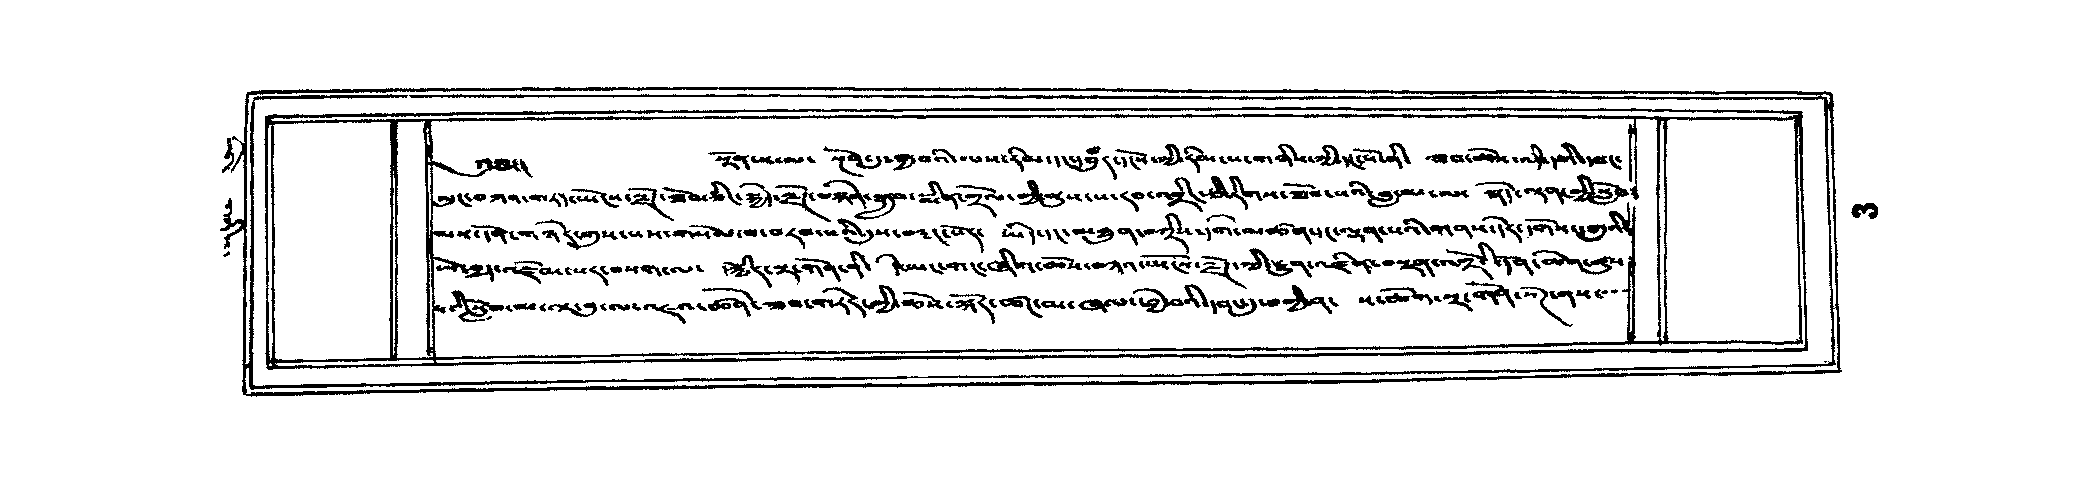སྟོན་པ་ལ། སྔོན་དུ་བྱ་བའི་ལས་རིམ་དང་དབང་བསྐུར་དངོས་ཀྱི་རིམ་པ་གཉིས་ཀྱི་དང་པོ་ནི། ཟབ་ཆོས་འདི་དག་གི་དབང་
ལུང་བཀའ་གཏད་ཡོངས་རྫོགས་ཐོབ་ཅིང་སྐྱེད་རྫོགས་བརྟེན་སྒྲུབ་སྨིན་གྲོལ་གྱི་ནུས་པ་རབ་འབྲིང་ཅི་རིགས་ཐོབ་པའི་བླ་མ་ལ། སྣོད་ལྡན་གྱི་སློབ་
མས་དོན་གཉེར་གུས་པས་གསོལ་བ་ཏབ་པའི་དུས་བཟང་པོར། ཡིད་དང་མཐུན་བཀྲ་ཤིས་དགེ་མཚན་དང་ལནད་པའི་གནས་དེར་དོགས་དགུའི་
ཡོ་བྱད་འཛོམས་པར་བསག་ལ། དཀྱིལ་འཁོར་ལྟ་གོན་ནི། དེ་ཡང་གང་ཞིག་ཆོས་བཀའ་ཡོངས་རྫོགས་ཀྱི་རྒྱུན་འཛིན་བསྲན་འགྲོའི་དོན་ཆེན་ནུས་
པའི་སློབ་མ་ལྟ་བུ་ལ་འཇའ་ཚོན་ཟབ་གཏེར་གྱི་ཆོས་སྐོར་ཚང་མ་ཞལ་ཕྱེ་བའི་དོན་དུ་བགྱི་ན། ས་ཆོག་ལྟ་གོན་སོགས་ནས་